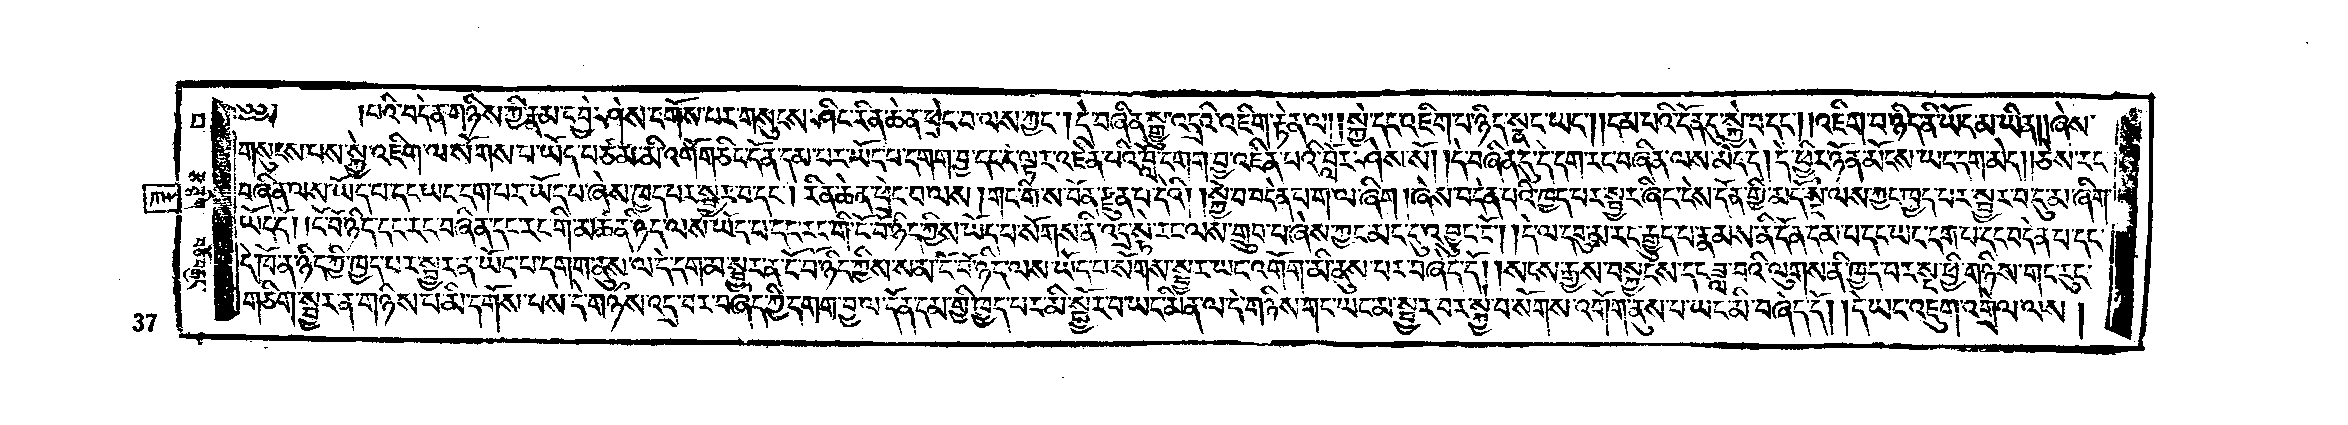༄༅། །པའི་བདེན་གཉིས་ཀྱི་རྣམ་དབྱེ་ཤེས་དོགས་པར་གསུངས་ཤིང་རིན་ཆེན་ཕྲེང་བ་ལས་ཀྱང་། དེ་བཞིན་སྒྱུར་འདྲའི་འཇིག་རྟེན་ལ། །སྐྱེ་དང་འཇིག་པ་ཉིད་སྣང་ཡང་། །དམ་པའི་དོན་དུ་སྐྱེ་བ་དང་། །འཇིག་པ་ཉིད་ནི་ཡོད་མ་ཡིན། །ཞེས་
གསུངས་པས་སྐྱེ་འཇིག་ལ་སོགས་པ་ཡོད་པ་ཙམ་མི་འགོག་ཅིང་དོན་དམ་པར་ཡོད་པ་དགག་བྱ་དང་དེ་ལྟར་འཛིན་པའི་བློ་དགག་བྱ་འཛིན་པའི་བློར་ཤེས་སོ། །དེ་བཞིན་དུ་དེ་དག་རང་བཞིན་ལས་མེད་དེ། དེ་ཕྱིར་ཉོན་མོངས་ཡང་དག་མེད། །ཅེས་རང་
བཞིན་ལས་ཡོད་པ་དང་ཡང་དག་པར་ཡོད་པ་ཞེས་ཁྱད་པར་སྦྱར་བ་དང་། རིན་ཆེན་ཕྲེང་བ་ལས། གང་གི་ས་བོན་རྫུན་པ་དེའི། །སྐྱེ་བ་བདེན་པ་ག་ལ་ཞིག །ཞེས་བདེན་པའི་ཁྱད་པར་སྦྱར་ཞིང་ངེས་དོན་གྱི་མདོ་སྡེ་ལས་ཀྱང་ཁྱད་པར་སྦྱར་བ་དུ་མ་ཞིག་
ཡོད་དོ། །ངོ་བོ་ཉིད་དང་རང་བཞིན་དང་རང་གི་མཚན་ཉིད་ལས་ཡོད་པ་དང་རང་གི་ངོ་བོ་ཉིད་ཀྱིས་ཡོད་པ་སོགས་ནི་འདྲ་སྟེ་རང་ལས་གྲུབ་པ་ཞེས་ཀྱང་མང་དུ་འབྱུང་ངོ། །དེ་ལ་དབུ་མ་རང་རྒྱུད་པ་རྣམས་ནི་དོན་དམ་པ་དང་ཡང་དག་པར་དང་བདེན་པ་དང་
དེ་ཁོ་ན་ཉིད་ཀྱི་ཁྱད་པར་སྦྱར་ན་ཡོད་པ་དགག་ནུས་ལ་དེ་དག་མ་སྦྱར་ན་ངོ་བོ་ཉིད་ཀྱིས་སམ་ངོ་བོ་ཉིད་ལས་ཡོད་པ་སོགས་སྦྱར་ཡང་འགོག་མི་ནུས་པར་བཞེད་དོ། །སངས་རྒྱས་བསྐྱངས་དང་བཟླ་བའི་ལུགས་ནི་ཁྱད་པར་སྔ་ཕྱི་གཉིས་གང་རུང་
གཅིག་སྦྱར་ན་གཉིས་པ་མི་དགོས་པས་དེ་གཉིས་འདྲ་བར་བཞེད་ཀྱི་དགག་བྱ་ལ་དོན་དམ་གྱི་ཁྱད་པར་མི་སྦྱོར་བ་ཡང་མིན་ལ་དེ་གཉིས་གང་ཡང་མ་སྦྱར་བར་སྐྱེ་བ་སོགས་འགོག་ནུས་པ་ཡང་མི་བཞེད་དོ། །དེ་ཡང་འཇུག་འགྲེལ་ལས།